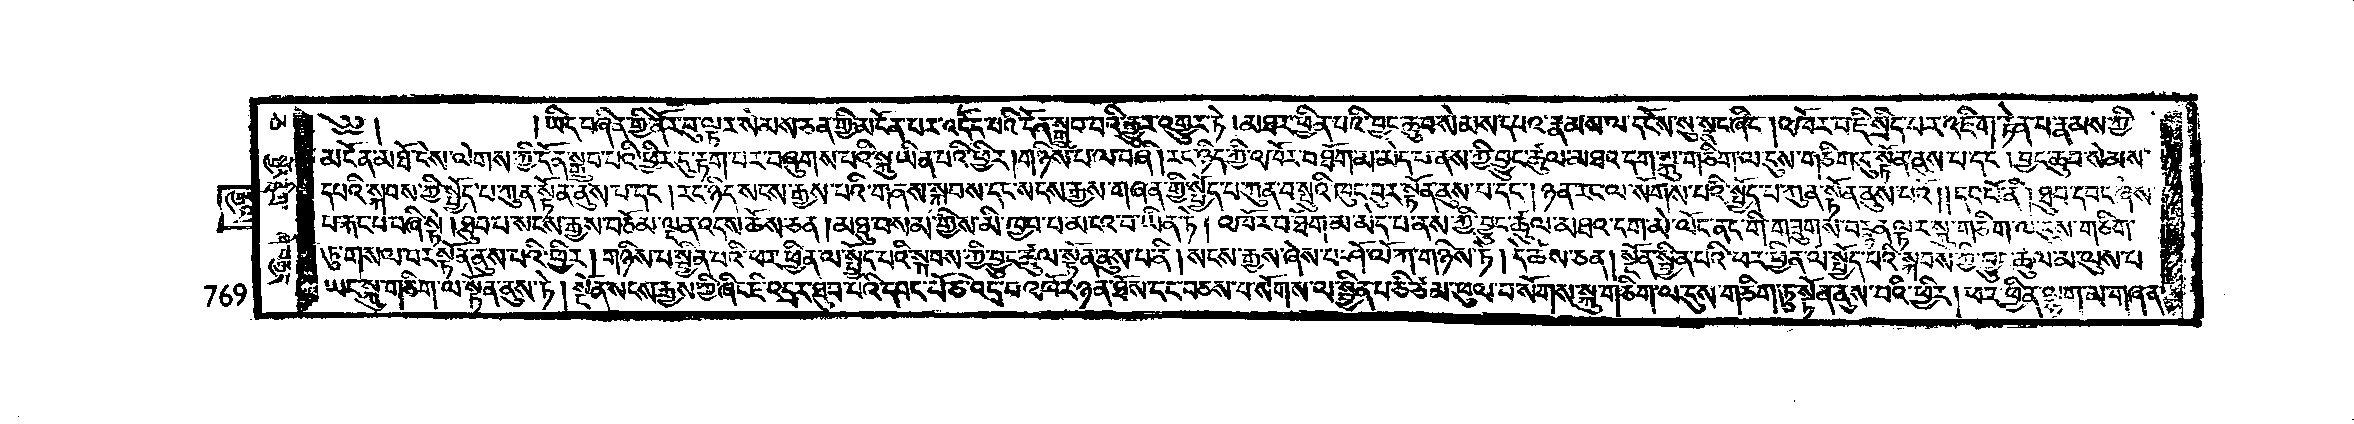༄༅། །ཡིད་བཞིན་གྱི་ནོར་བུ་ལྟར་སེམས་ཅན་གྱི་མངོན་པར་འདོད་པའི་དོན་སྒྲུབ་པའི་རྒྱུར་འགྱུར་ཏེ། མཐར་ཕྱིན་པའི་བྱང་ཆུབ་སེམས་དཔའ་རྣམས་ལ་དངོས་སུ་སྣང་ཞིང་། འཁོར་བ་ཇི་སྲིད་པར་འཇིག་རྟེན་པ་རྣམས་ཀྱི་
མངོན་མཐོ་ངེས་ལེགས་ཀྱི་དོན་སྒྲུབ་པའི་ཕྱིར་དུ་རྟག་པར་བཞུགས་པའི་སྐུ་ཡིན་པའི་ཕྱིར། གཉིས་པ་ལ་བཞི། རང་ཉིད་ཀྱི་འཁོར་བ་ཐོག་མ་མེད་པ་ནས་ཀྱི་བྱུང་ཚུལ་མཐའ་དག་སྐུ་གཅིག་ལ་དུས་གཅིག་དུ་སྟོན་ནུས་པ་དང་། བྱང་ཆུབ་སེམས་
དཔའི་སྐབས་ཀྱི་སྤྱོད་པ་ཀུན་སྟོན་ནུས་པ་དང་། རང་ཉིད་སངས་རྒྱས་པའི་གནས་སྐབས་དང་སངས་རྒྱས་གཞན་གྱི་སྤྱོད་པ་ཀུན་བ་སྤུའི་ཁུང་བུར་སྟོན་ནུས་པ་དང་། ཉན་རང་ལ་སོགས་པའི་སྤྱོད་པ་ཀུན་སྟོན་ནུས་པའོ། །དང་པོ་ནི། ཐུབ་དབང་ཞེས་
པ་རྐང་པ་བཞི་སྟེ། ཐུབ་པ་སངས་རྒྱས་བཅོམ་ལྡན་འདས་ཆོས་ཅན། མཐུ་བསམ་གྱིས་མི་ཁྱབ་པ་མངའ་བ་ཡིན་ཏེ། འཁོར་བ་ཐོག་མ་མེད་པ་ནས་ཀྱི་བྱུང་ཚུལ་མཐའ་དག་མེ་ལོང་ནང་གི་གཟུགས་བརྙན་ལྟར་སྐུ་གཅིག་ལ་དུས་གཅིག་
ཏུ་གསལ་བར་སྟོན་ནུས་པའི་ཕྱིར། གཉིས་པ་སྦྱིན་པའི་ཕར་ཕྱིན་ལ་སྤྱོད་པའི་སྐབས་ཀྱི་བྱུང་ཚུལ་སྟོན་ནུས་པ་ནི། སངས་རྒྱས་ཞེས་པ་ཤོ་ལོ་ཀ་གཉིས་ཏེ། དེ་ཆོས་ཅན། སྔོན་སྦྱིན་པའི་ཕར་ཕྱིན་ལ་སྤྱོད་པའི་སྐབས་ཀྱི་བྱུང་ཚུལ་མ་ལུས་པ་
ཡང་སྐུ་གཅིག་ལ་སྟོན་ནུས་ཏེ། སྔོན་སངས་རྒྱས་ཀྱི་ཞིང་ཇི་འདྲར་ཐུབ་པའི་དབང་པོ་ཅི་འདྲ་བ་འཁོར་ཉན་ཐོས་དང་བཅས་པ་སོགས་ལ་སྦྱིན་པ་ཅི་ཙམ་ཕུལ་བ་སོགས་སྐུ་གཅིག་ལ་དུས་གཅིག་ཏུ་སྟོན་ནུས་པའི་ཕྱིར། ཕར་ཕྱིན་ལྷག་མ་གཞན་